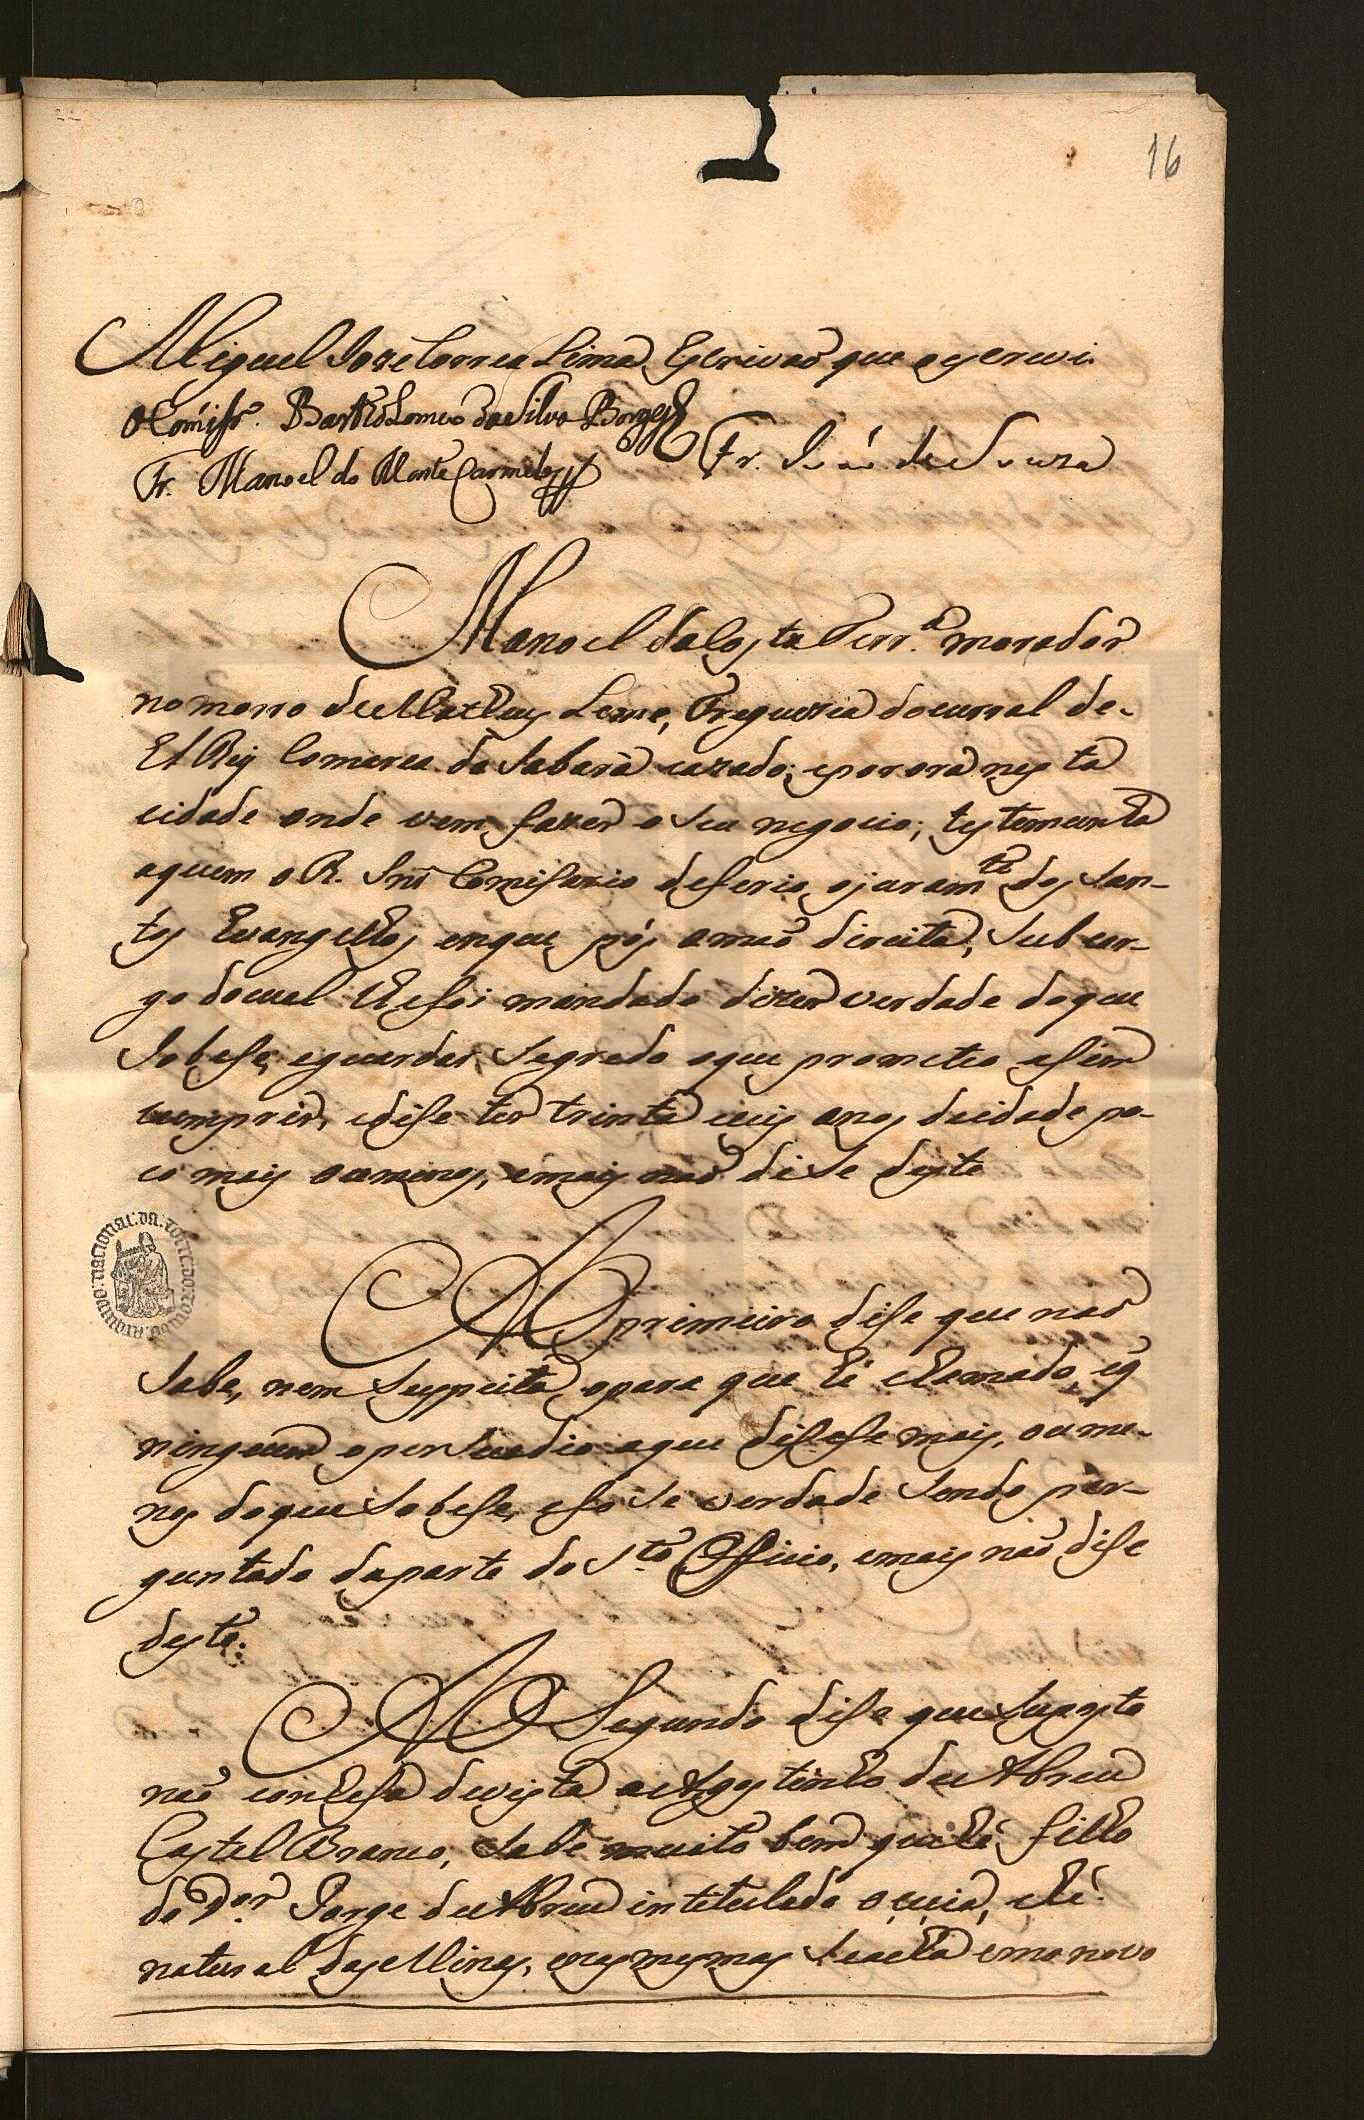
Miguel Ioze Correa Lima Escrivaõ que o escrevi
Manoel da Costa Ferr.a morador.
no morro de Matheus Leme, Freguezia do curral de
El Rey Comarca do Sabará cazado: e por ora nesta
cidade onde vem fazer o seu negocio; testemunha
a quem o R. snr̄ Comisario deferio, o juramto dos san
tos Evngelhos em que pós a maõ direita, sub car
go do cual lhe foi mandado dizer verdade do que
sobese, e guardar segredo o que prometeo asim
cumprir, e dise ter trinta e ceis anos de idade po
co mais ou menos, e mais naõ dise deste
AO primeiro dise que naõ
sabe, nem suspeita o para que hé chamado e q̄
ninguem o persuadio a que disese mais, ou me
nos do que sobese, e fose verdade sendo per
guntado da parte do S.to Officio, e mais naõ dise
deste.
AO Segundo disse que suposto
naõ conhesa de vista a Agostinho de Abreu
Castel Branco, sabe muito bem que hé filho
do D.or Iorge de Abreu intitulado o çeçia, e hé!
natural das Minas, e nas mesmas se acha em o novo
